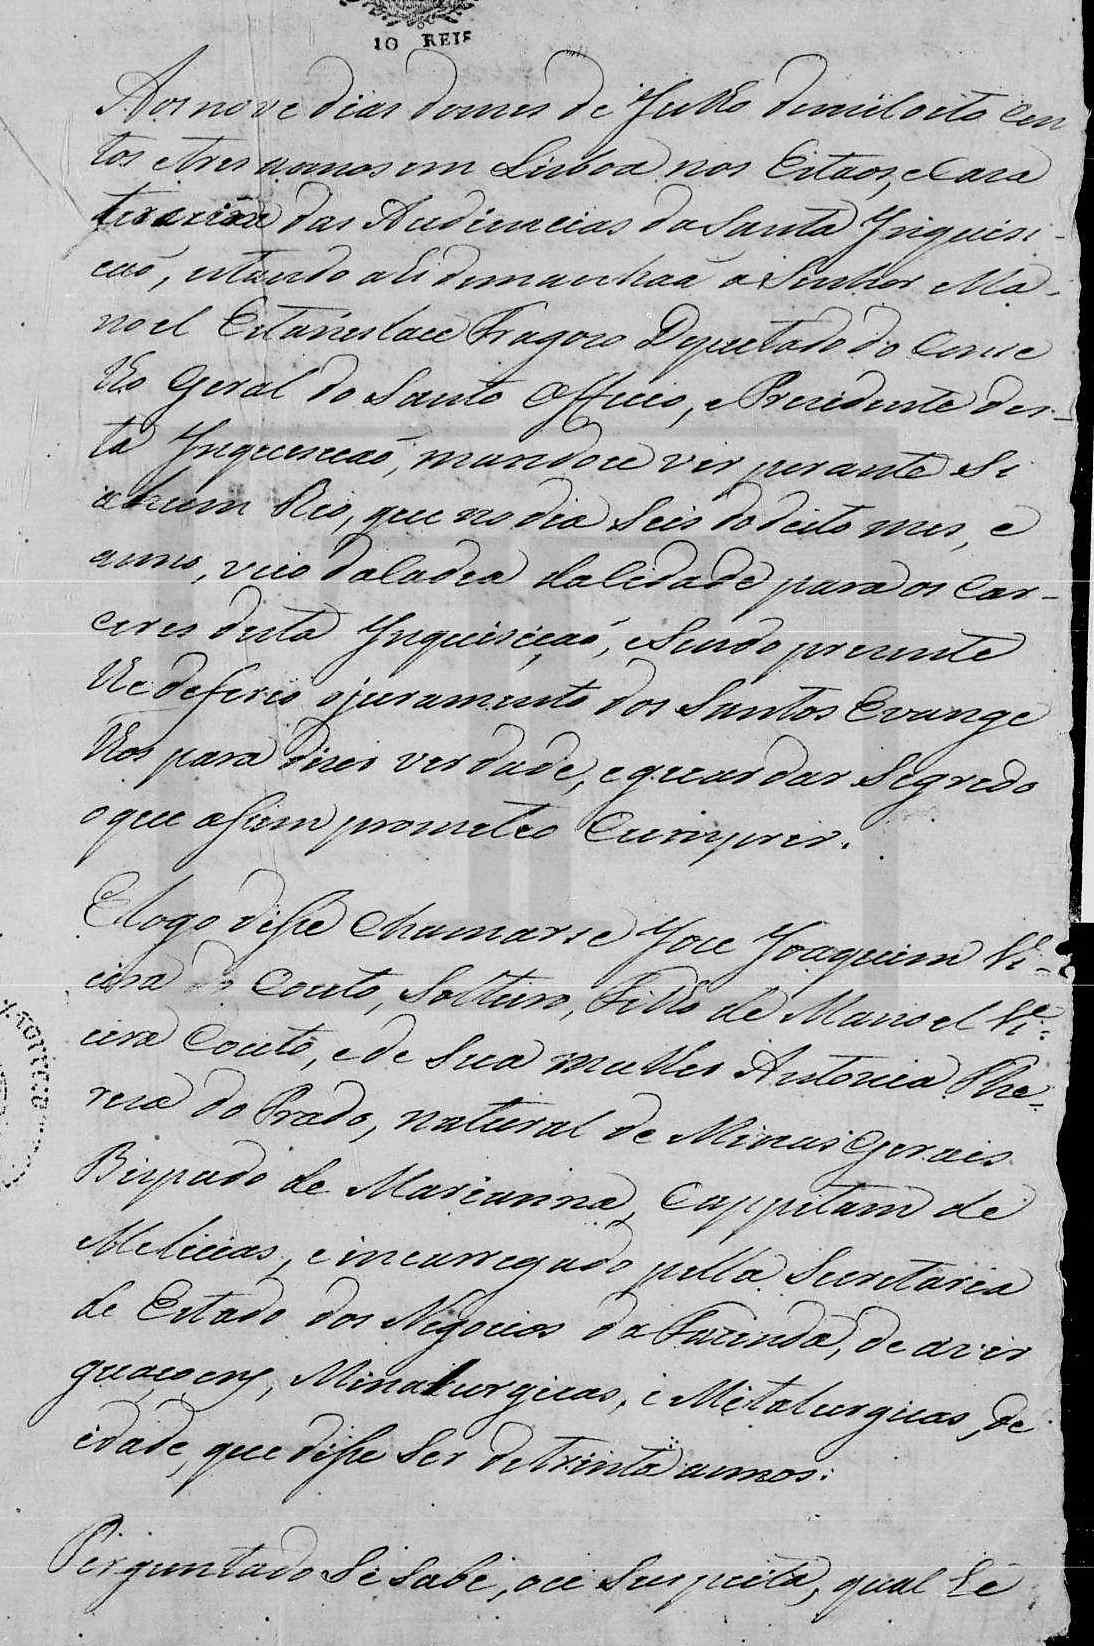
Aos nove dias do mes de Julho de mil oitocen
tos e tres annos em Lisboa nos Estaos, e Casa
terceira das Audiencias da Santa Inquisi
cão, estando ahi de manhaã o Senhor Ma
noel Estanislau Fragoso Deputado do Conse
lho Geral do Santo Officio, e Presidente des
ta Inquesecaõ, mandou vir perante si
a hum Reo, que no dia seis do dicto mes, e
anno, veio da Cadea da Cidade para os car
ceres desta Inquisiçaõ, e sendo presente
lhe defereo o juramento dos Santos Evange
lhos para dizer verdade, e guardar segredo
o que assim prometeo Cumprir.
E logo disse chamarse Jose Joaquim Vi
eira do Couto, solteiro, filho de Manoel Vi
eira Couto, e de sua mulher Antonia The
resa do Prado, natural de Minas Gerais
Bispado de Marianna, Cappitam de
Melicias, e incarregado pella Secretaria
de Estado dos Negocios da Fazenda, de aver
guaçoens, Minalurgicas, e Mitalurgicas, de
idade, que disse ser de trinta annos.
Perguntado se sabe, ou suspeita, qual he
